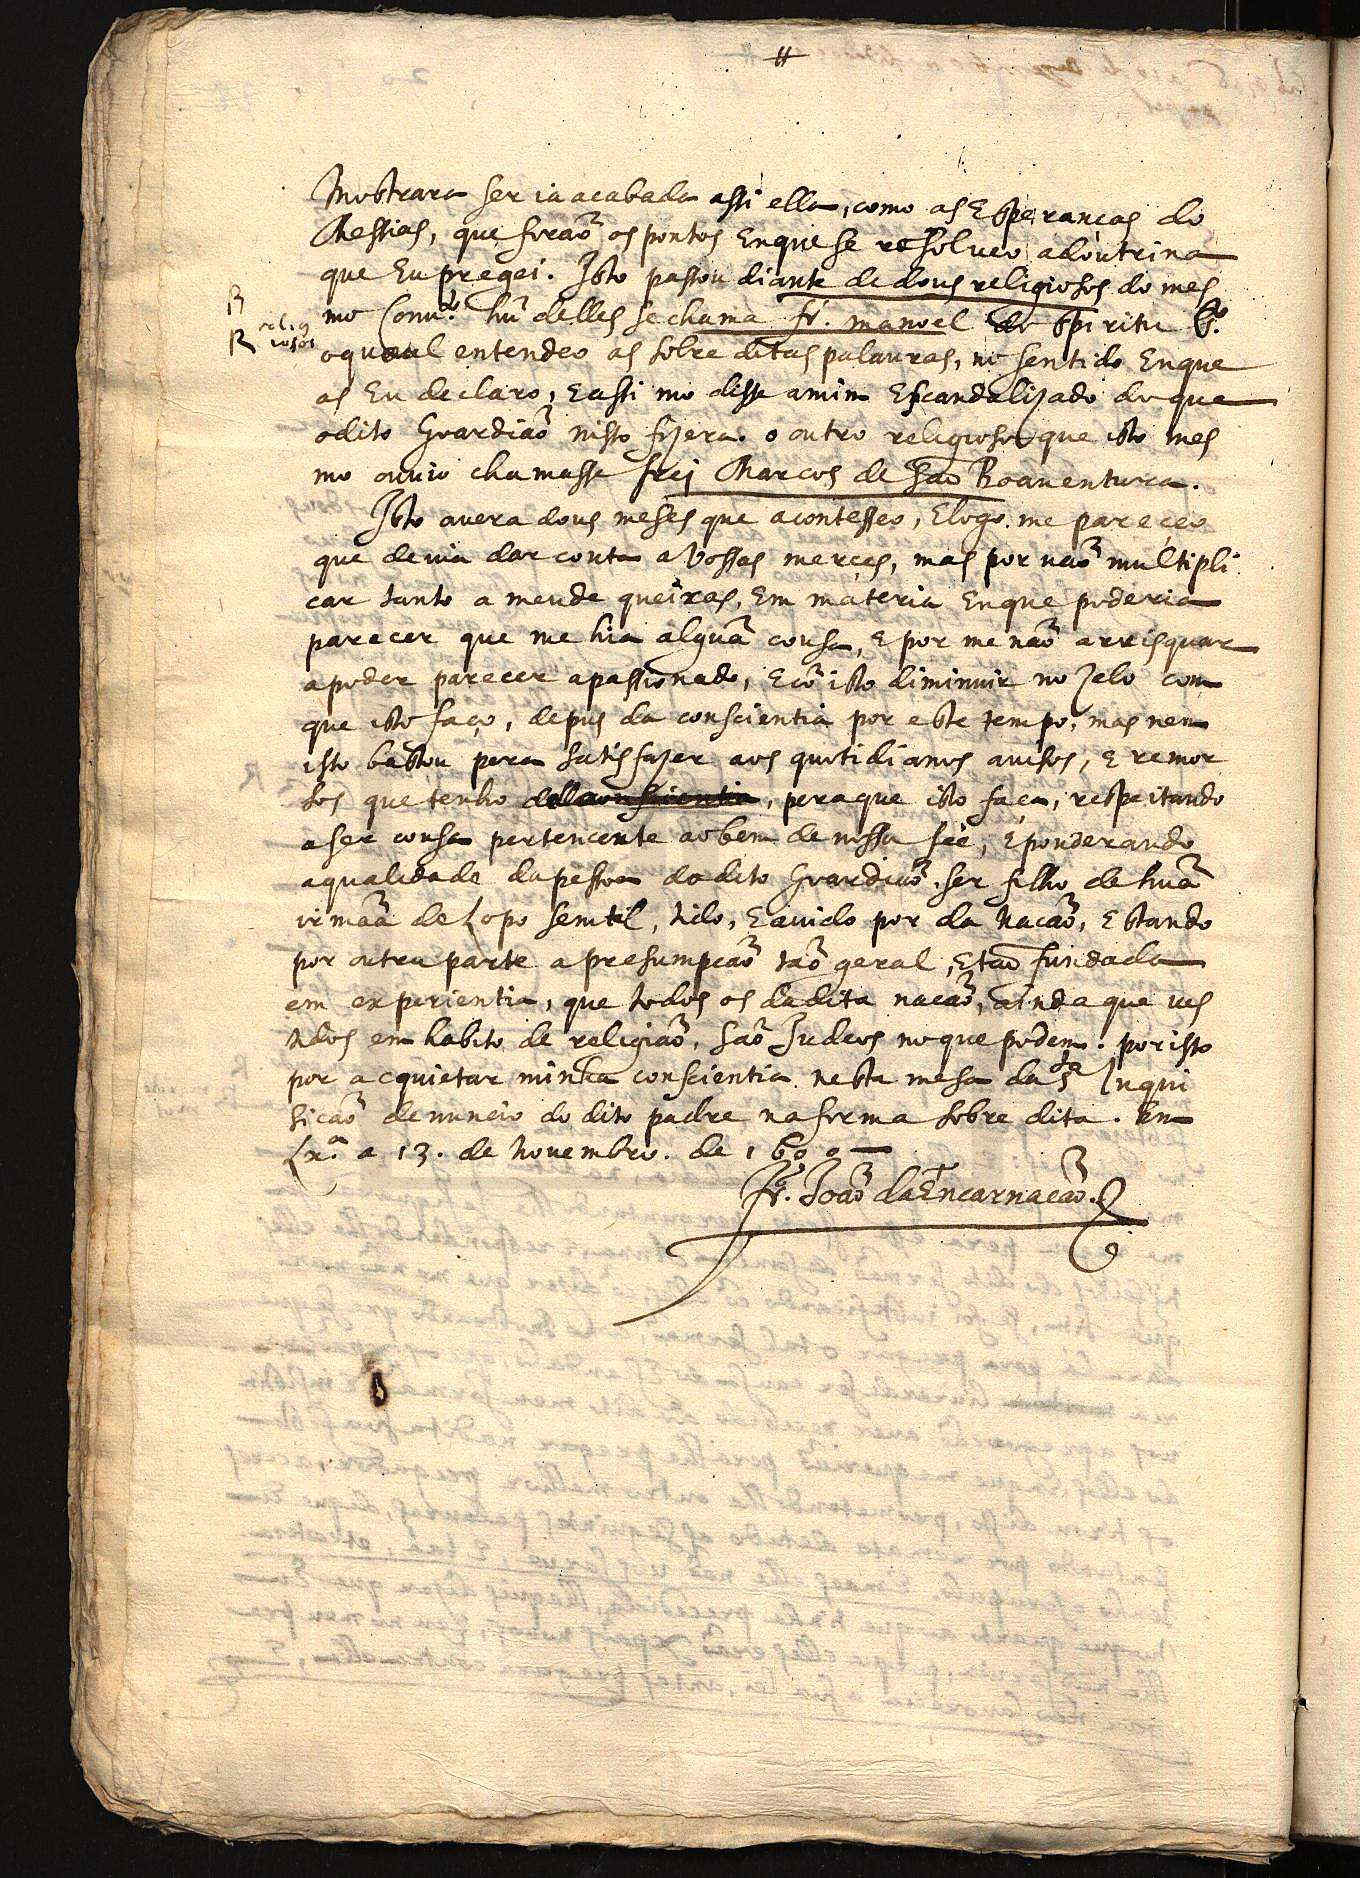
Mostrara ser ia acabada assi ella, como as Esperanças do
Messias, que foraõ os pontos En que se resolueo a doutrina
que Eu pregei. Jsto passou diante de dous religiosos do mes
mo Conuto. hū delles se chama fr. manoel do spiritu sto.
o qual entendeo as sobreditas palauras, no sentido En que
as Eu declaro, E assi mo disse a mim Escandalizado do que
o dito Goardiaõ nisso fizera o outro religioso que isto mes
mo ouuio chamasse frej Marcos de sao Boauentura.
Jsto auera dous meses que acontesseo, E logo me pareçeo
que deuia dar conta a Vossas merçes, mas por naõ multipli
car tanto ameude queixas, Em materia En que poderia
parecer que me hia alguā cousa, E por me naõ arrisquar
a poder parecer apassionado, E cō isto diminuir no zelo com
que isto faço, depus da conscientia por este tempo, mas nem
isso bastou para satisfazer aos quotidianos auisos, E remor
sos que tenho della onscientia, pera que isto faça, respeitando
a ser cousa pertencente ao bem de nossa fee, E ponderando
a qualidade da pessoa do dito Goardiaõ. ser filho de huā
irmaā de lopo semtil, tido, E auido por da nacaõ, Estando
por outra parte a presumpcaõ taõ geral; E taõ fundada
em experientia, que todos os da dita nacaõ, ainda que ues
tidos em habito de religiaõ, saõ Judeos no que podem. por isso
por acquietar minha conscientia nesta mesa da sta Inqui
sicaõ denuncio do dito padre na forma sobredita. Em
Lx.a a 13. de nouembro. de 1600
R
R
relig
iosos
